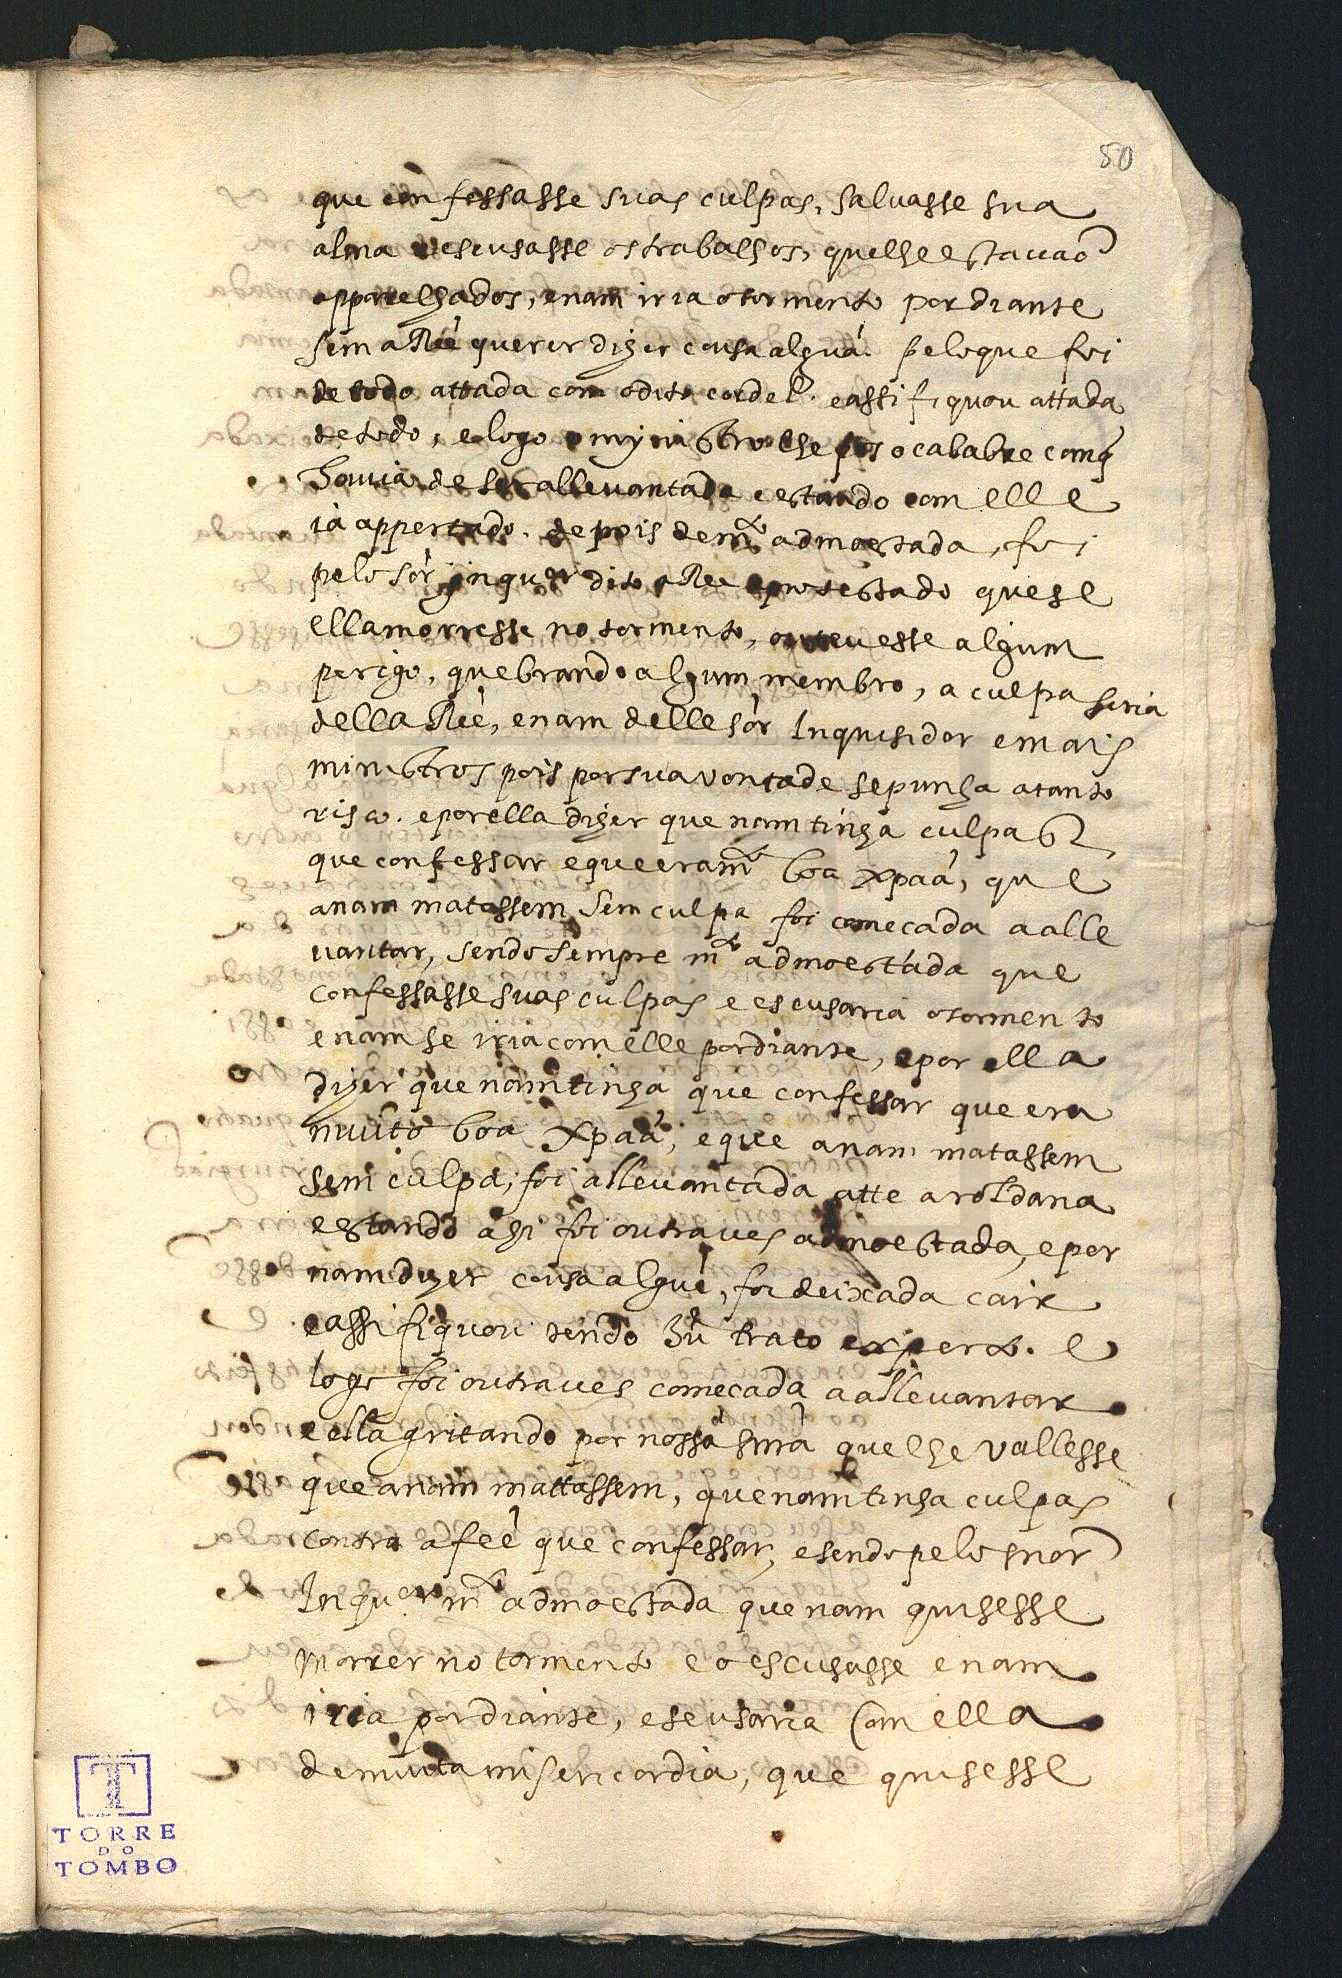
que confessasse suas culpas, saluasse sua
alma _ escusasse os trabalhos, que lhe estauaõ
apparelhados, e nam iria o tormento por diante
sem a Reé querer dizer cousa alguā. pelo que foi
de todo attada com o dito cordel. e assi fiquou attada
de todo, e logo o mynistro lhe pos o calabre com q̄
hauia de ser alleuantada e estando com elle
ia appertado, depois de mto admoestada, foi
pelo sor̄ jnquor dito a Ree _ protestado que se
ella morresse no tormento, ou teuesse algum
perigo, quebrando algum membro, a culpa seria
della Reé, e nam delle sōr Inquisidor e mais
ministros pois por sua vontade se punha a tanto
risco. e por ella dizer que nam tinha culpas
que confessar e que era mto boa xpaã, que
a nam matassem sem culpa foi começada a alle
uantar, sendo sempre mto admoestada que
confessasse suas culpas e escusaria o tormento
e nam se iria com elle por diante, e por ella
dizer que nam tinha que confessar que era
muito boa Xpaã, e que a nam matassem
sem culpa; foi alleuantada atte a roLdana
estando ahi foi outra ues admoestada, e por
nam dizer cousa alguā, foi deixada cair
e assi fiquou tendo hū trato experto. e
logo foi outra ues começada a alleuantar
e ella gritando por nossa snrā que lhe vallesse
que a nam mattassem, que nam tinha culpas
contra a feé que confessar, e sendo pelo snor̄
Inqu.or mto admoestada que nam quisesse
morrer no tormento e o escusasse e nam
iria por diante, e se usaria com ella
de muita misericordia, que quisesse
